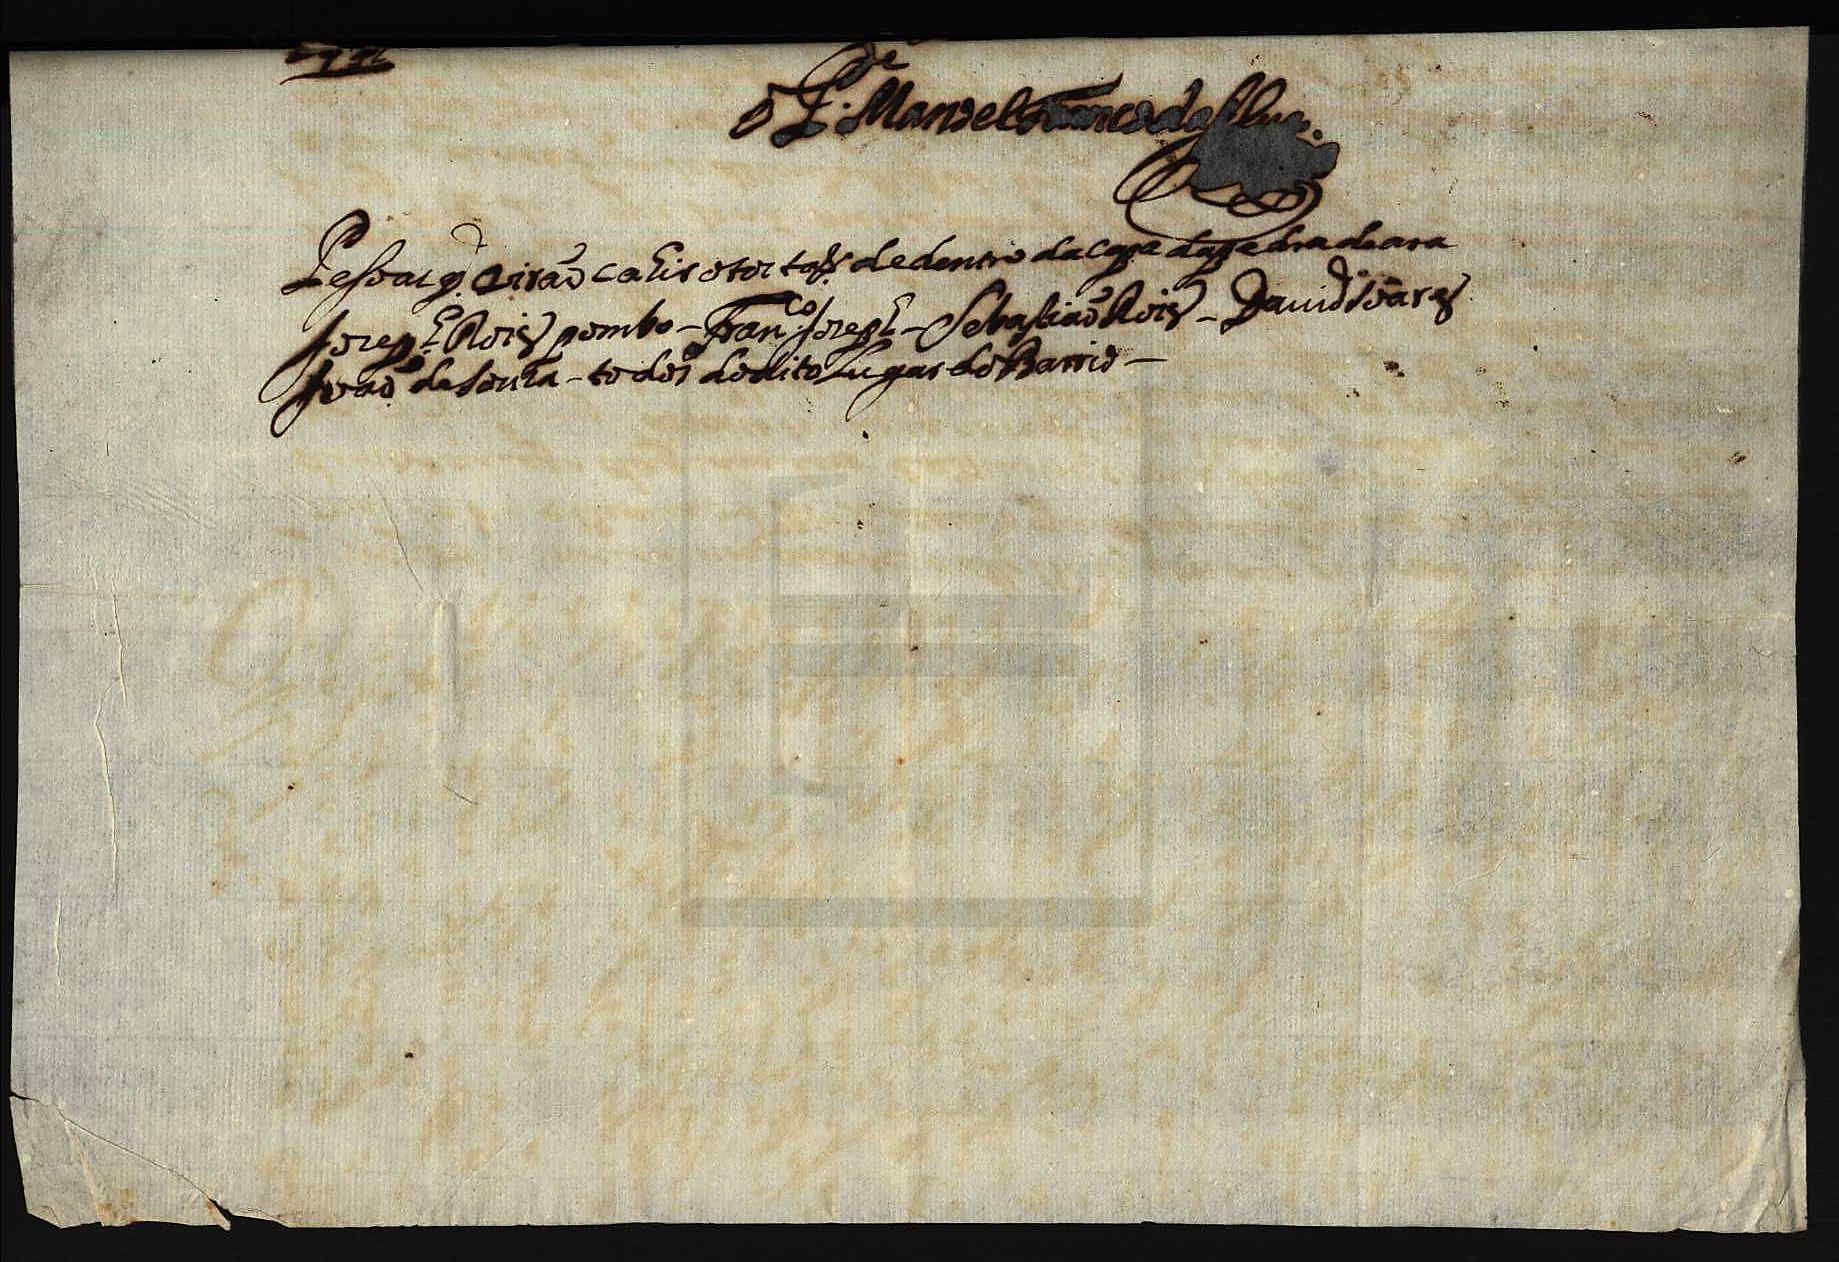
o P.e Manoel Franco da Silua.
Pesoas q̄ viraõ cahir o tostaõ de dentro da capa da pedra de ara
Jozeph Rois̄ pombo - Fran.co Jozeph - Sebastiaõ Rois̄ - Dauid soares
Joaõ de souza - todos do dito Lugar do Barrio -
